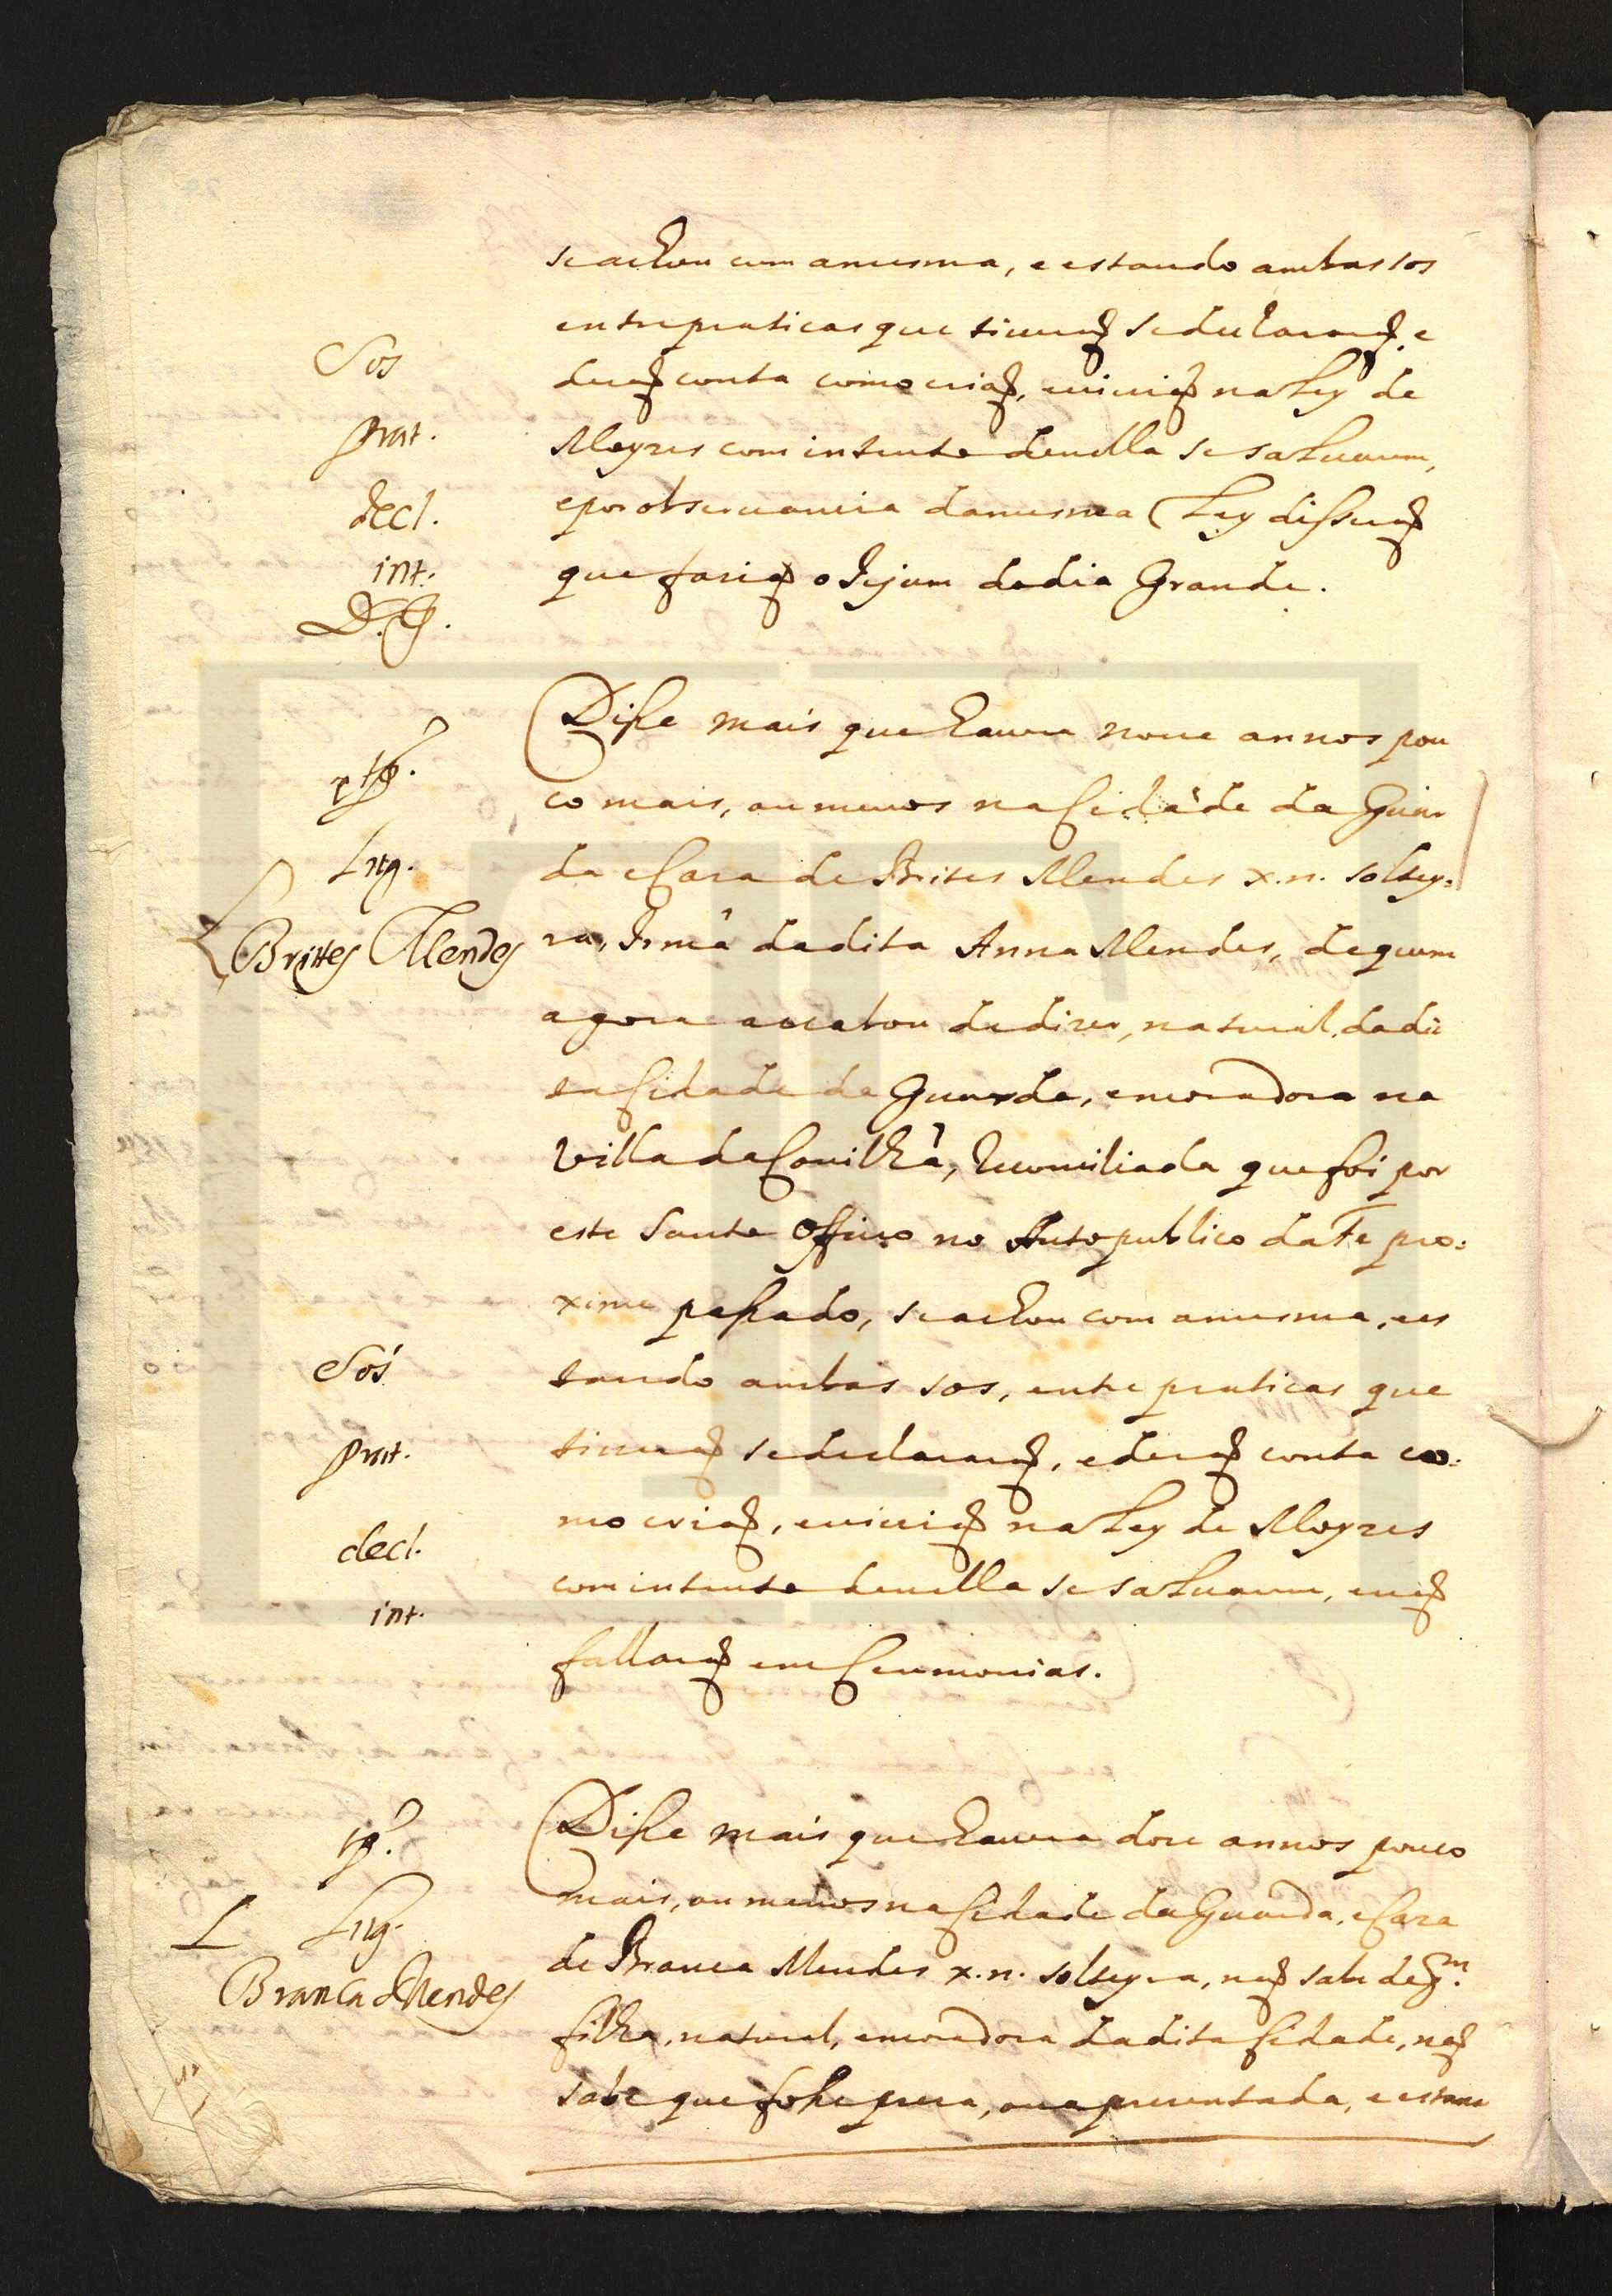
se achou com a mesma, e estando ambas sos
entre praticas que tiueraõ se declararaõ, e
Sos
deraõ conta como criaõ, e uiuiaõ na Ley de
prat.
Moyzes com intento de nella se saluarem,
e por obseruancia da mesma Ley disseraõ
decl.
int.
que faziaõ o Iejum do dia Grande.
D.G.
Disse mais que hauera noue annos pou
e tp.o
co mais, ou menos na Cidade da Guar
Lug.
da e Caza de Brites Mendes x. n. soltey.
ra, Irmã da dita Anna Mendes, de quem
L Brites Mendes
agora a acabou de dizer, natural, da di
ta Cidade da Guarda, e moradora na
villa de Couilhã, Reconciliada que foi por
este santo officio no Auto publico da Fe pro
xime passado, se achou com a mesma, e es
Sós
tando ambas sos, entre praticas que
tiueraõ se declararaõ, e deraõ conta co
prat.
mo criaõ, e uiuiaõ na Ley de Moyzes
decl.
com intento de nella se saluarem, e naõ
int.
fallaraõ em Ceremonias.
Disse mais que hauera doz annos pouco
tp.o
mais, ou menos na Cidade da Guarda, e Caza
Lug.
de Branca Mendes x. n. solteyra, naõ sabe de q.m
Branca Mendes
filha, natural, e moradora da dita Cidade, naõ
sabe que fosse preza, ou aprezentada, e estaua
